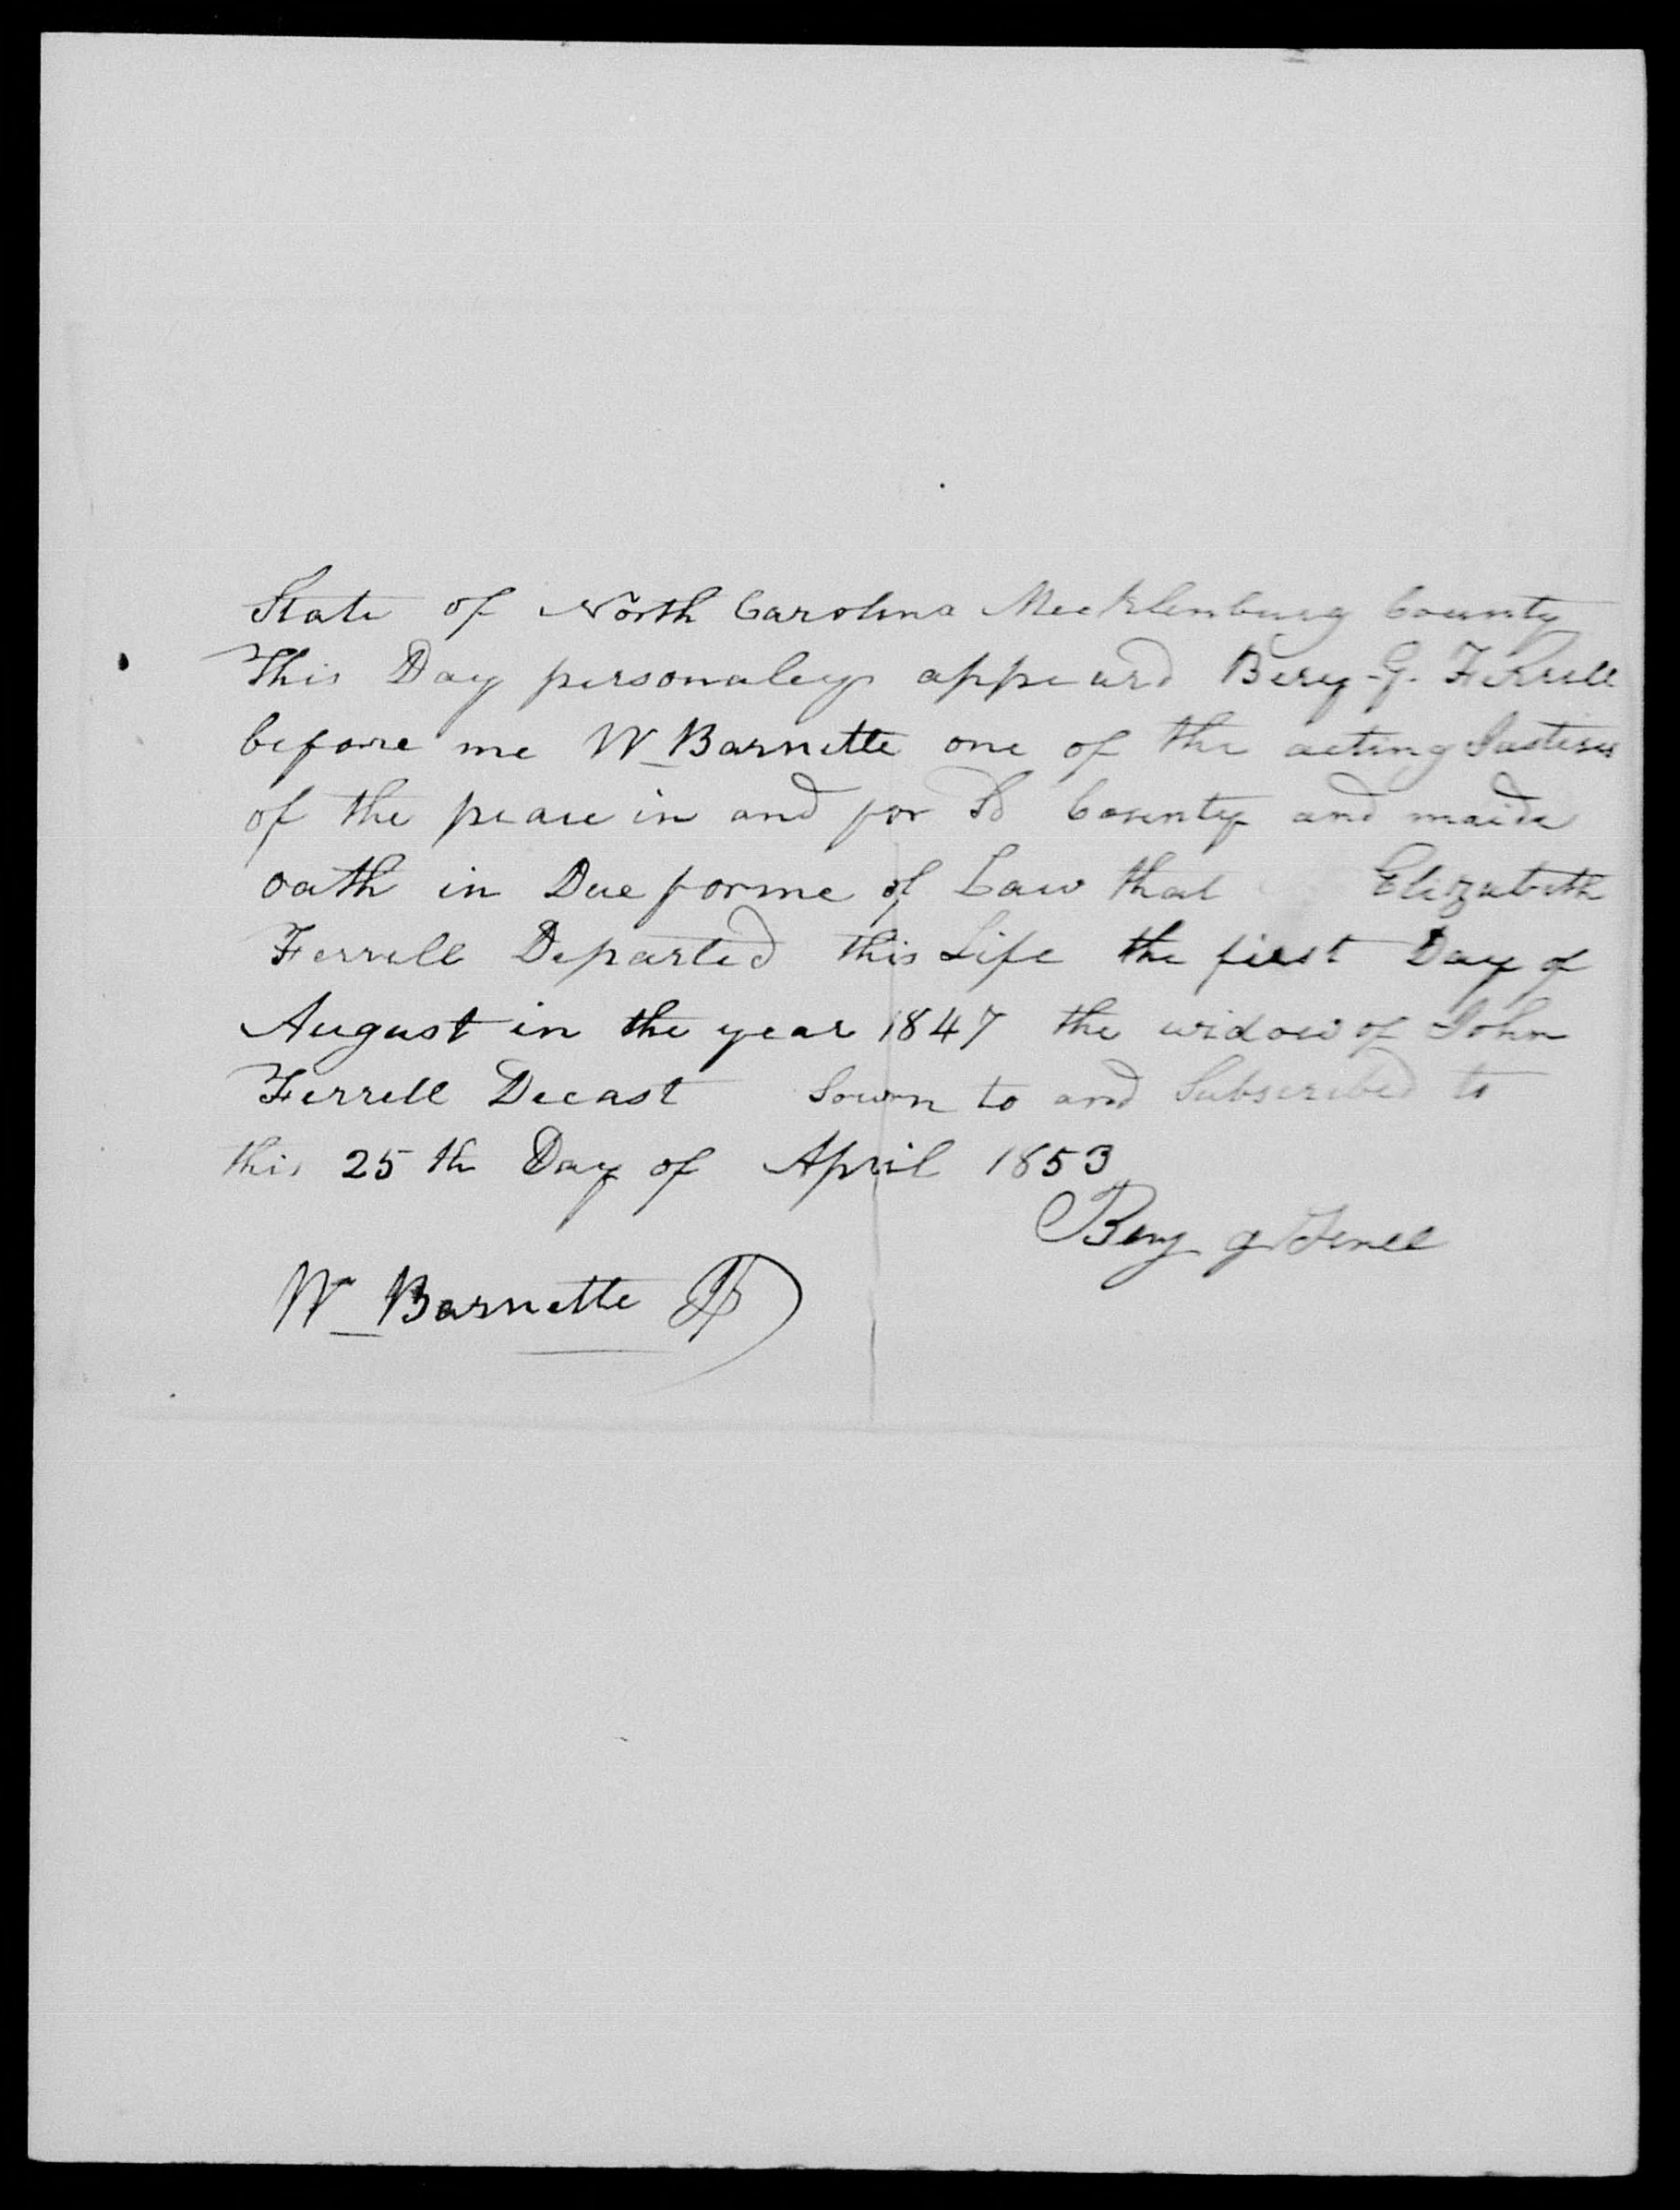State of North Carolina Muhlenburg County 
This day personally appeared Bery G Ferrell before me W. Barnette one of the acting Justice of the peace in and for :illegible: County and made oath in due forme of Law that Elizabeth Ferrell departed this life the fire day of August in the yer 1847 the widow of John Ferrell Deceased sworn to and subscribed to this 25th day of April 1853. Barry G :illegible:
W. Barnette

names: John Ferrell, Elizabeth Ferrell, Benj G Ferel, W Barnette, Bery G Ferrell, W Barnette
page: 42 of 52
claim: rejected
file: R. 3,512, John Ferrell, N.C.